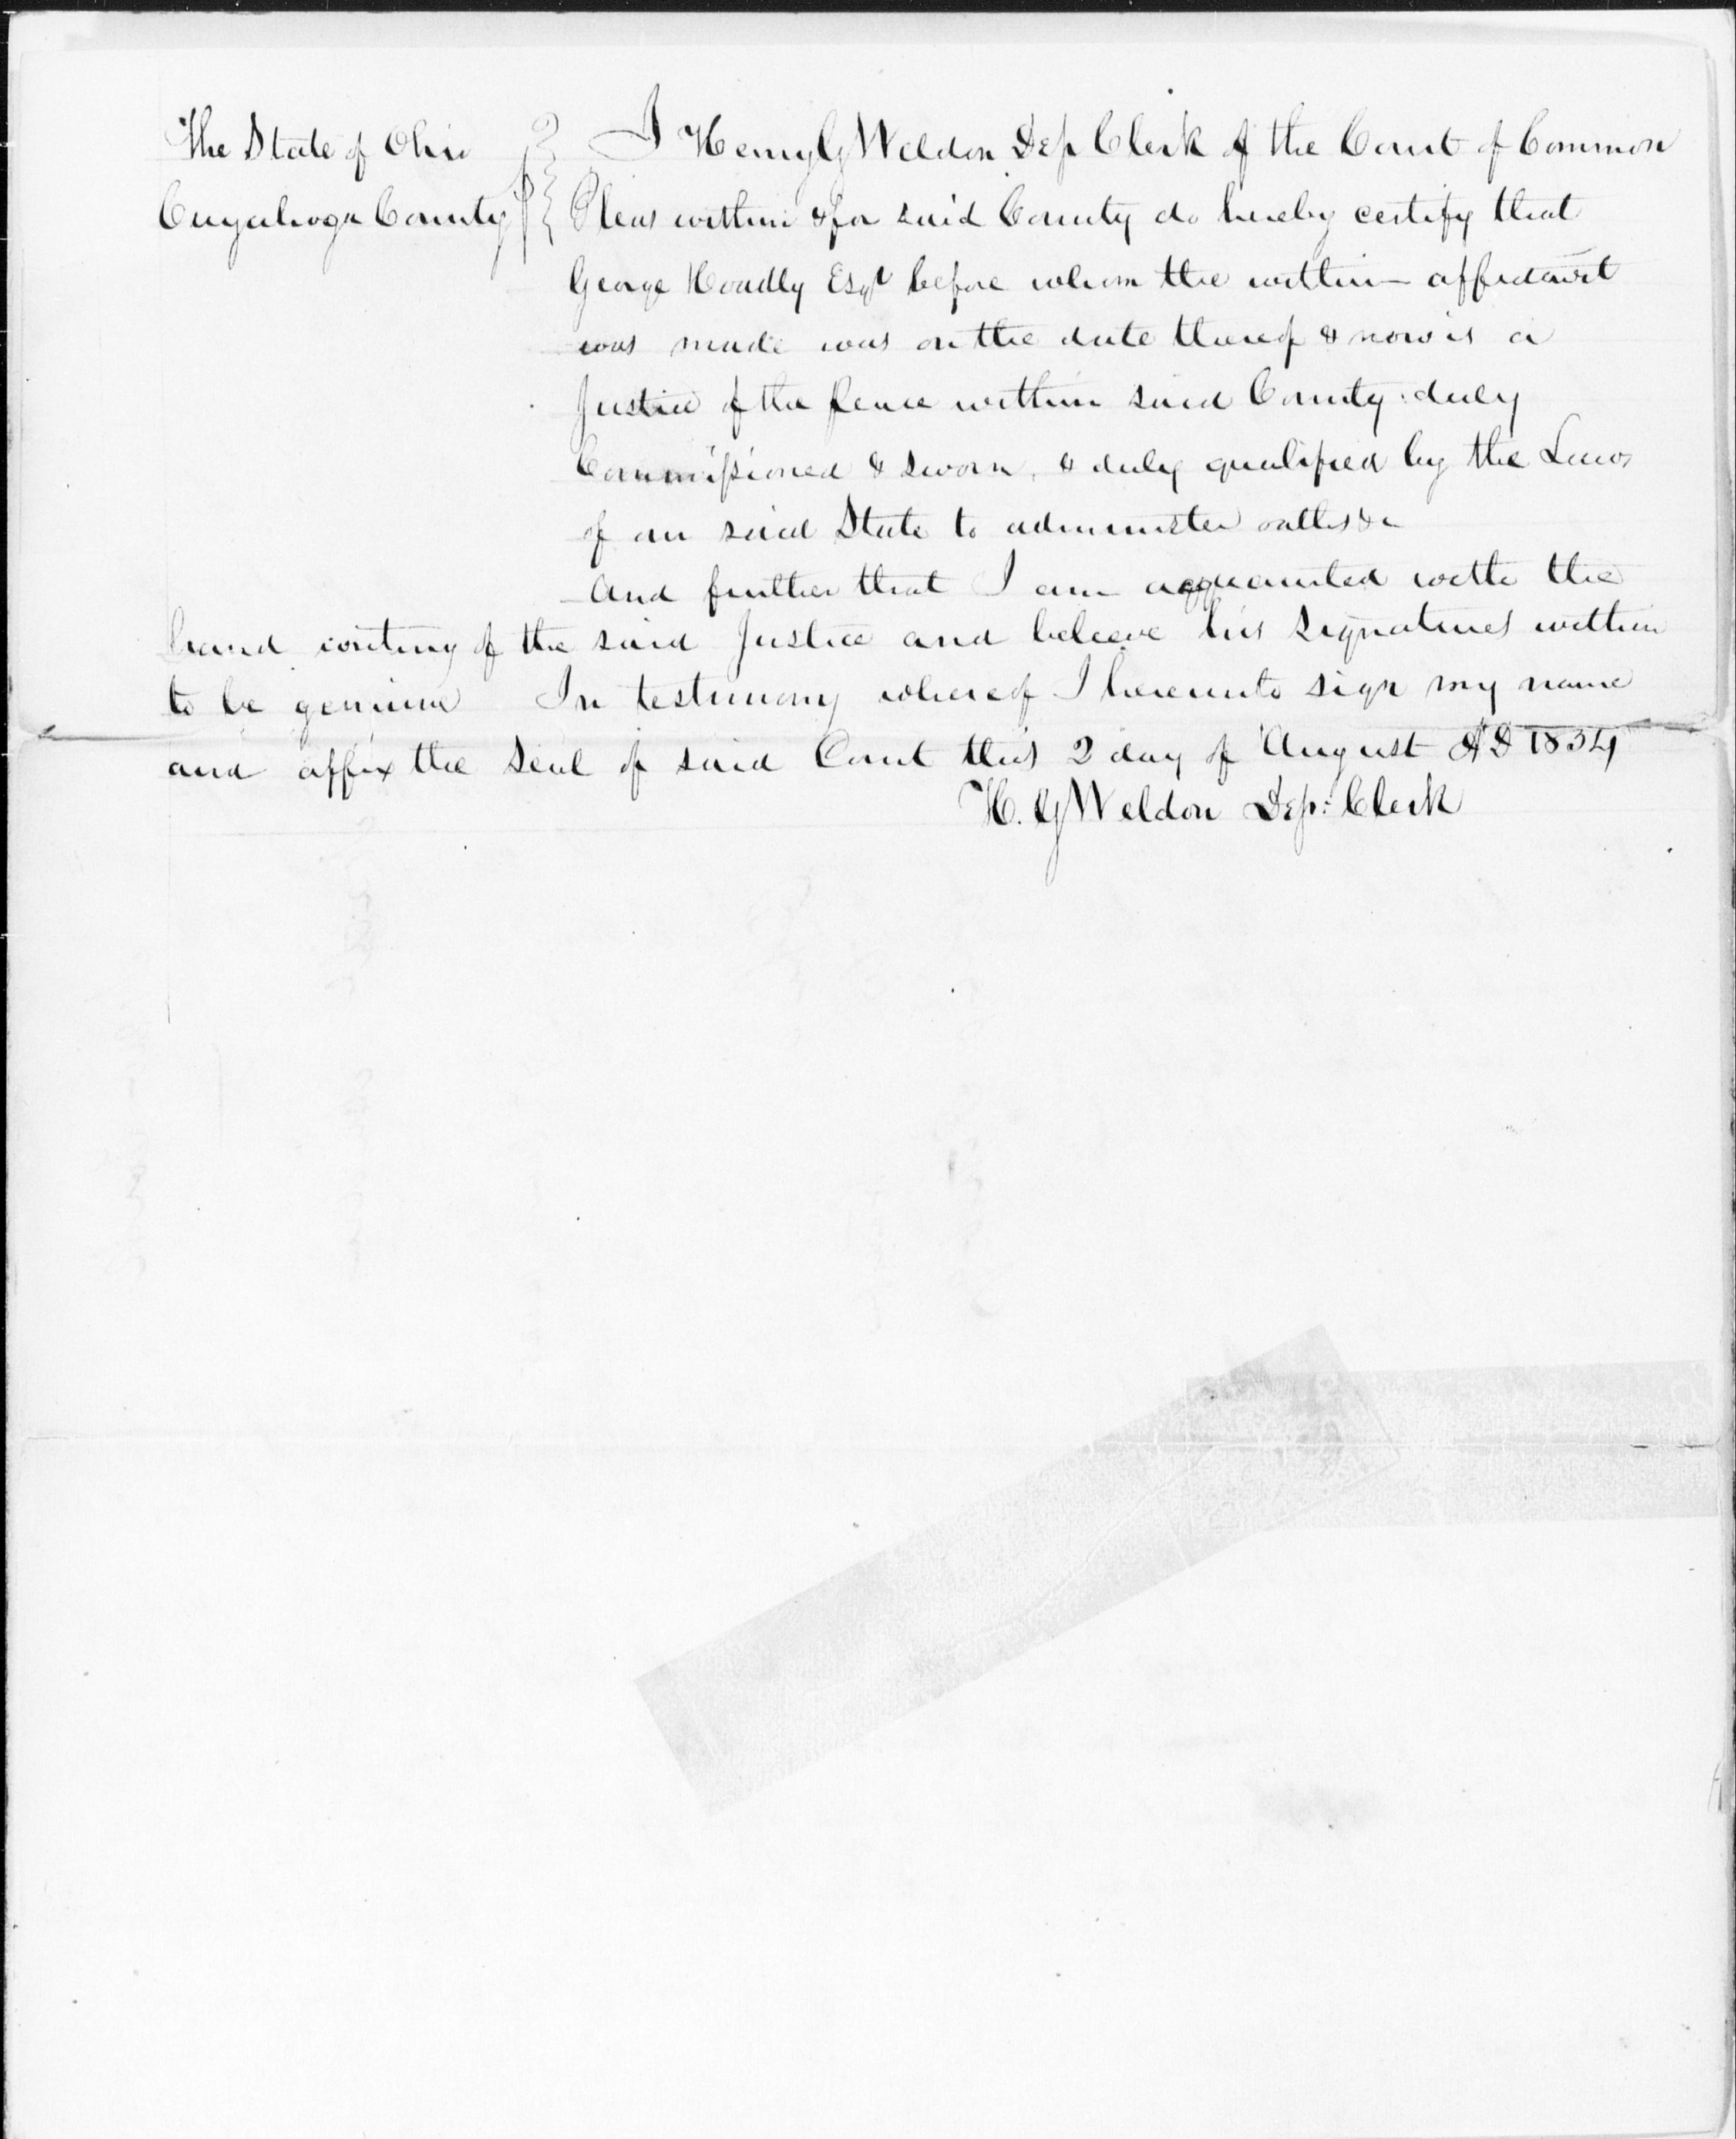the State of Ohio
Cuyahoga County
I Henry G Weldon Dep Clerk of the Court of Common
Pleas within & for said County do hereby certify that
George Hoadly Esq before whom the within affidavit
was made was on the date thereof & now is a
Justice of the peace within said County duly
Commissioned & sworn, & duly qualified by the Laws
of an said State to administer oaths &c
and further that I am appointed with the
hand writing of the said Justice and believe his signatures within
to be genuine In testimony whereof I hereunto sign my name
and affix the seal of said Court this 2 day of August AD 1834
H. G. Weldon Dep. Clerk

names: Henry G Weldon, George Hoadly, H G Weldon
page: 5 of 78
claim: widow's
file: W. 4117, Nathaniel Bradley, Conn.